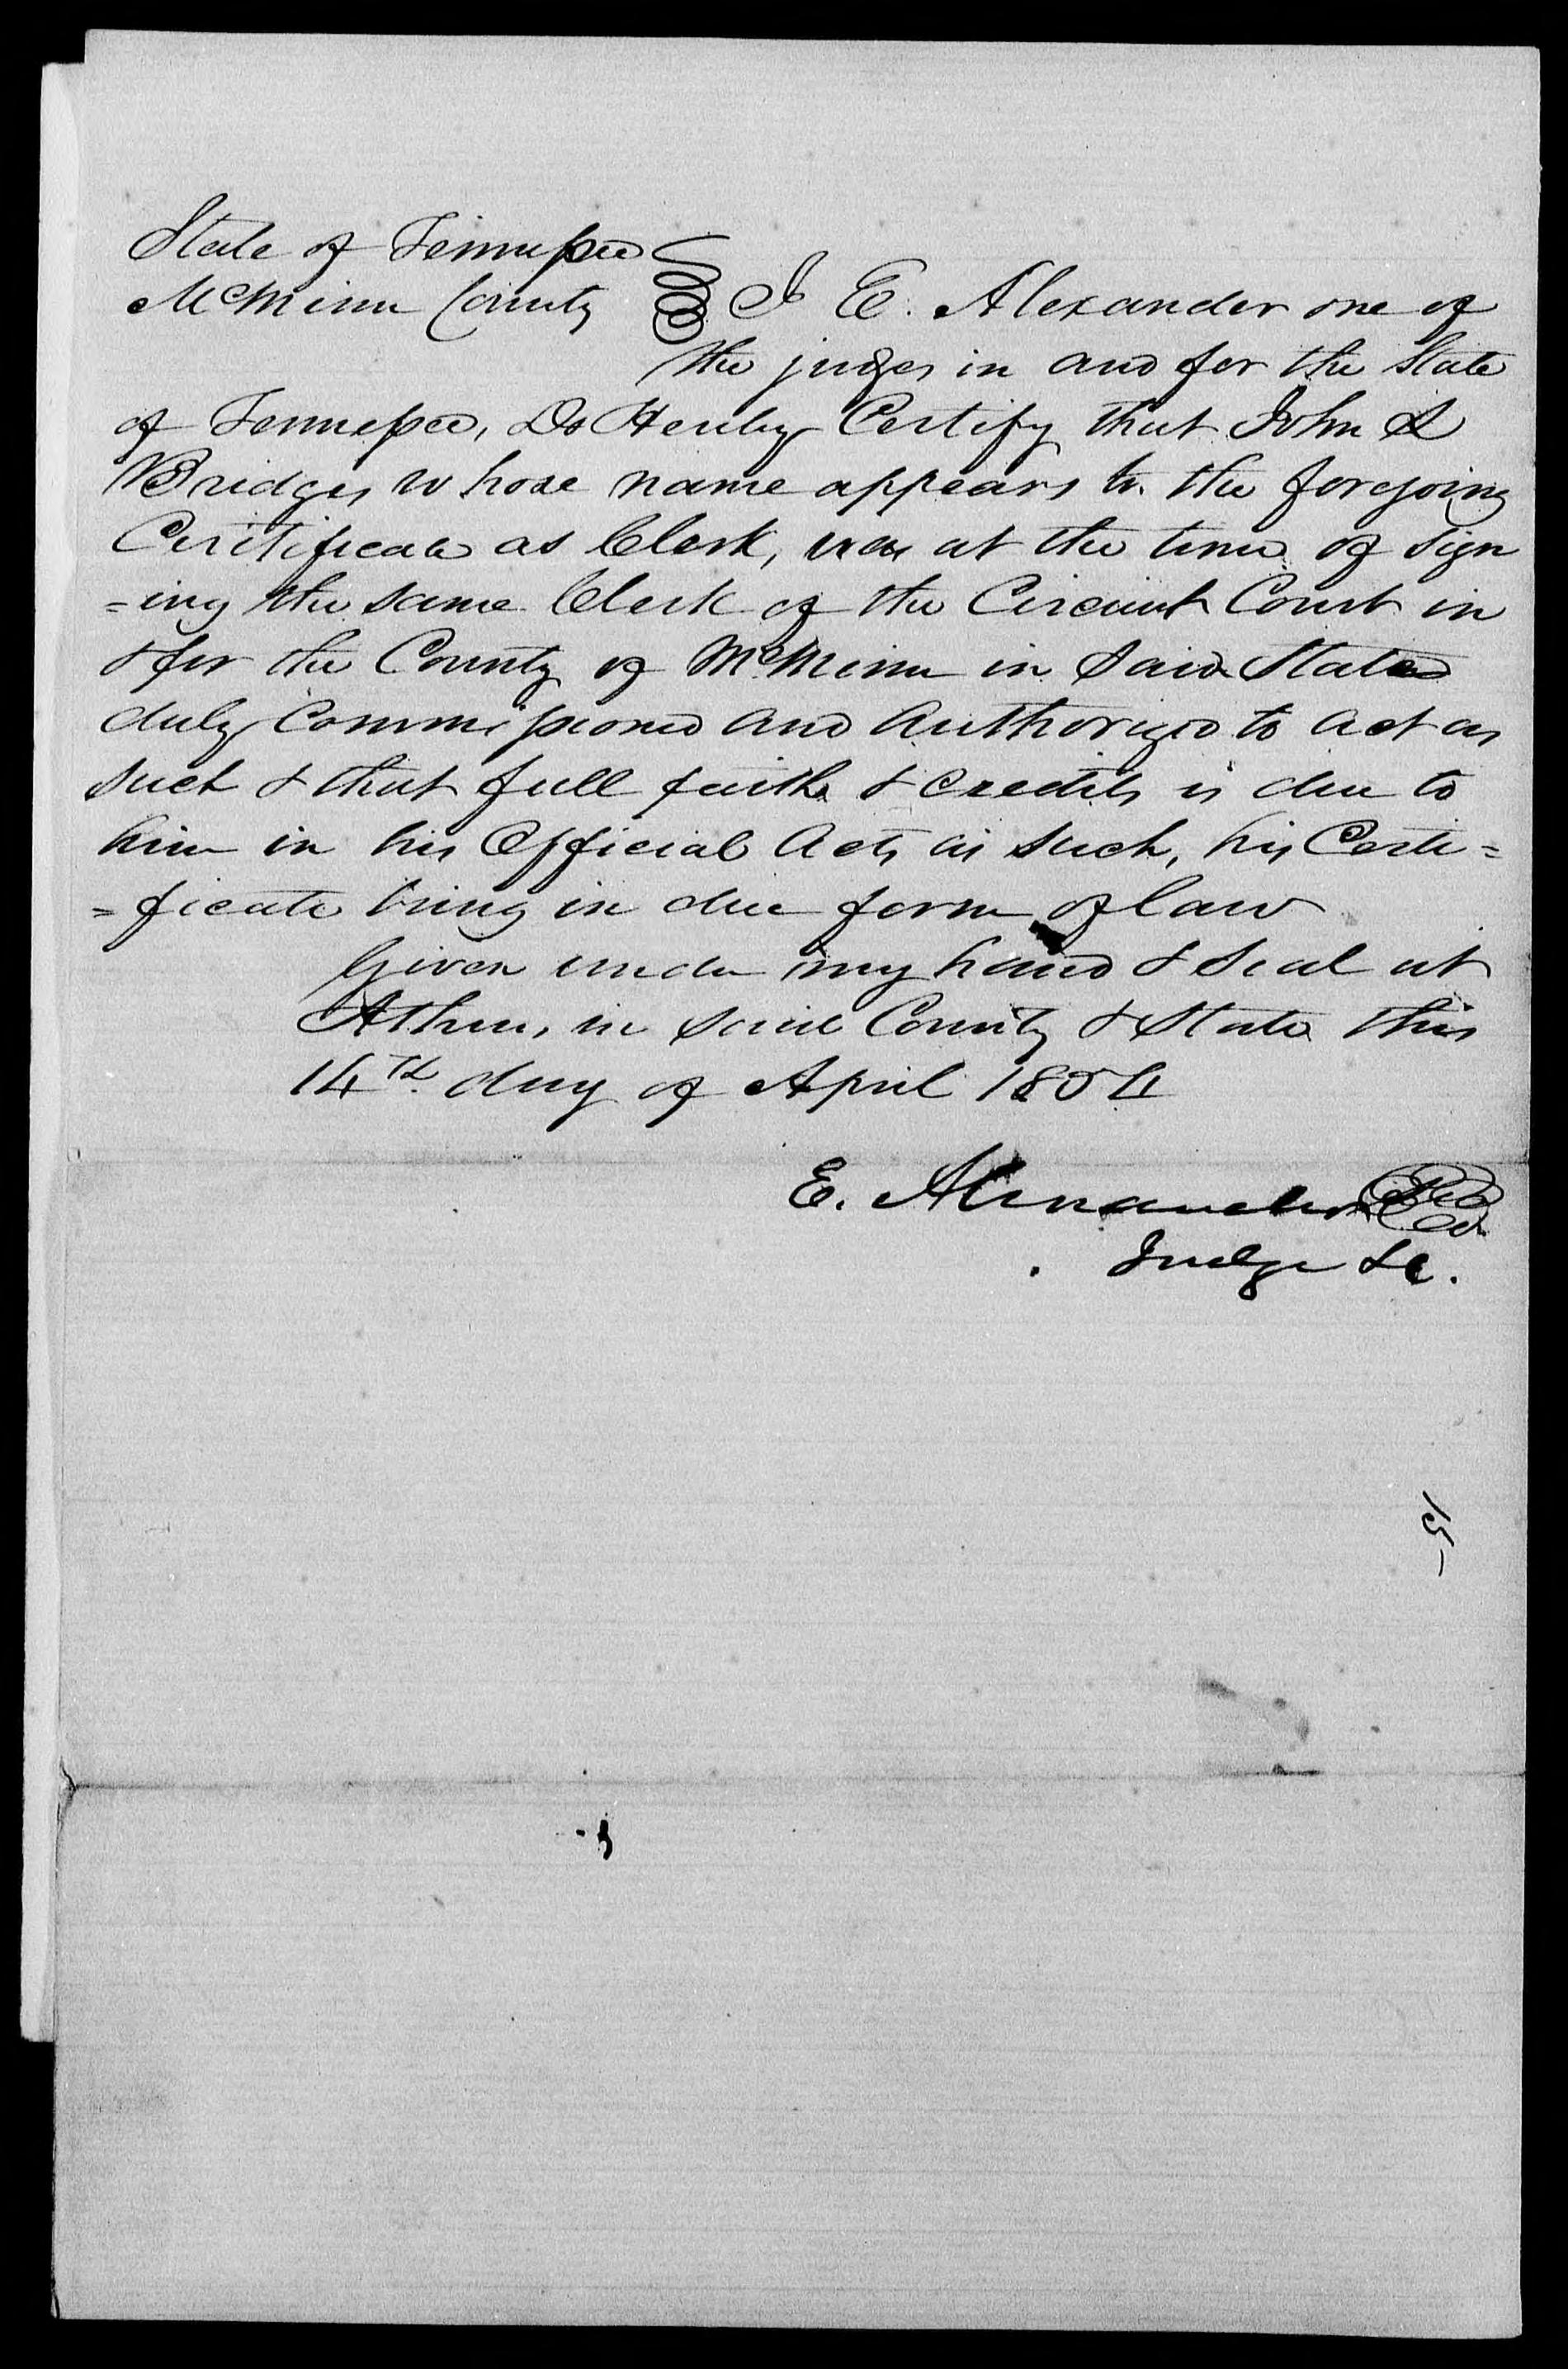State of Tennessee  }
McMinn County      }
J. E. Alexander one of the judges in and for the State of Tennessee, Do Hereby Certify that John S. Bridges whose name appears to the foregoing Certificate as Clerk, was at the time of signing the same Clerk of the Circuit Court in & for the County of McMinn in said State duly  Commissioned and Authorized to act as such & that full faith & credit is due to him in his Official Acts as Such, his Certificate being in due form of law.
Given under my hand & Seal at Athens, in said County & State this 14th day of April 1854
E. Alexander
Judge &c,.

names: Henley, John L Bridges, E Alexander, J E Alexander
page: 136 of 160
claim: rejected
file: R. 4666, James Harris, Va.